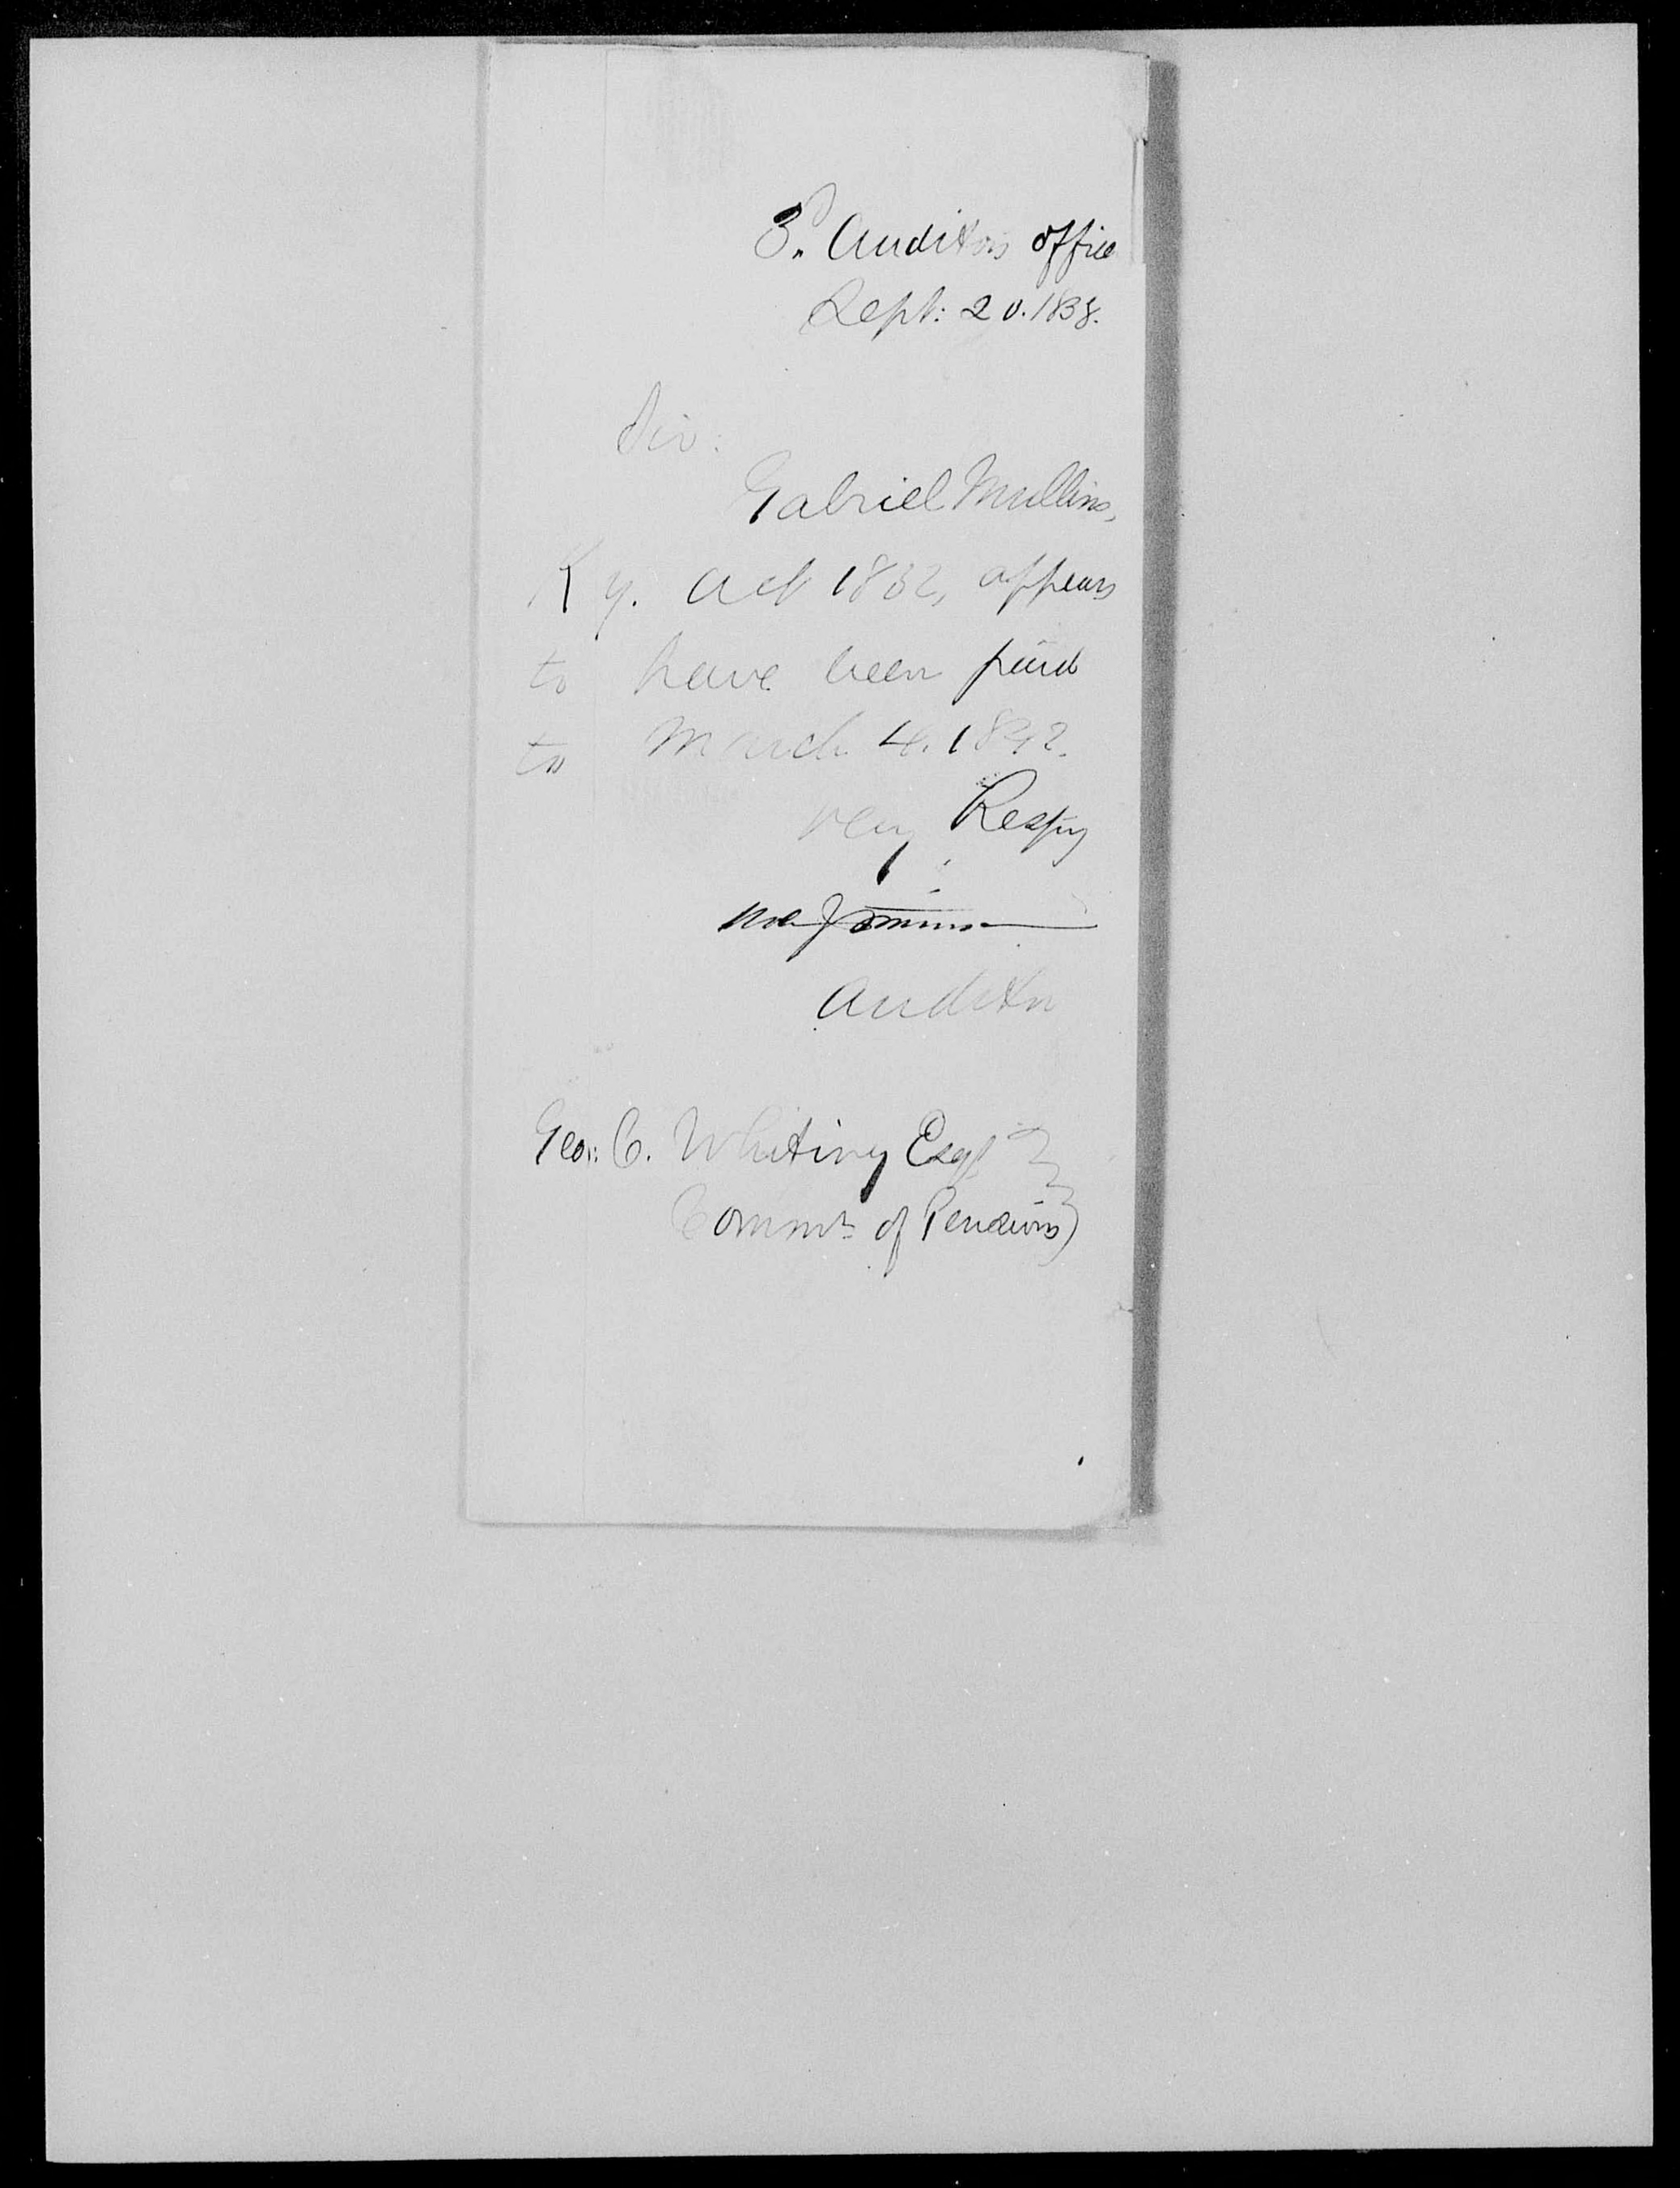3rd Auditors office
Sept. 20. 1838.

Sir,
Gabriel Mullins,
Ky. Act 1832, appears
to have been paid
to March 4, 1842
Very Resply
[signature:]  Rob J Minor
Auditor
Geo. C. Whiting Esq }
Commr of Pensions  }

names: Rob J Minor; Gabriel Mullins; Geo C Whiting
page: 16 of 34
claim: survivor's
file: S. 30608, for Gabrel Mullins, Virginia